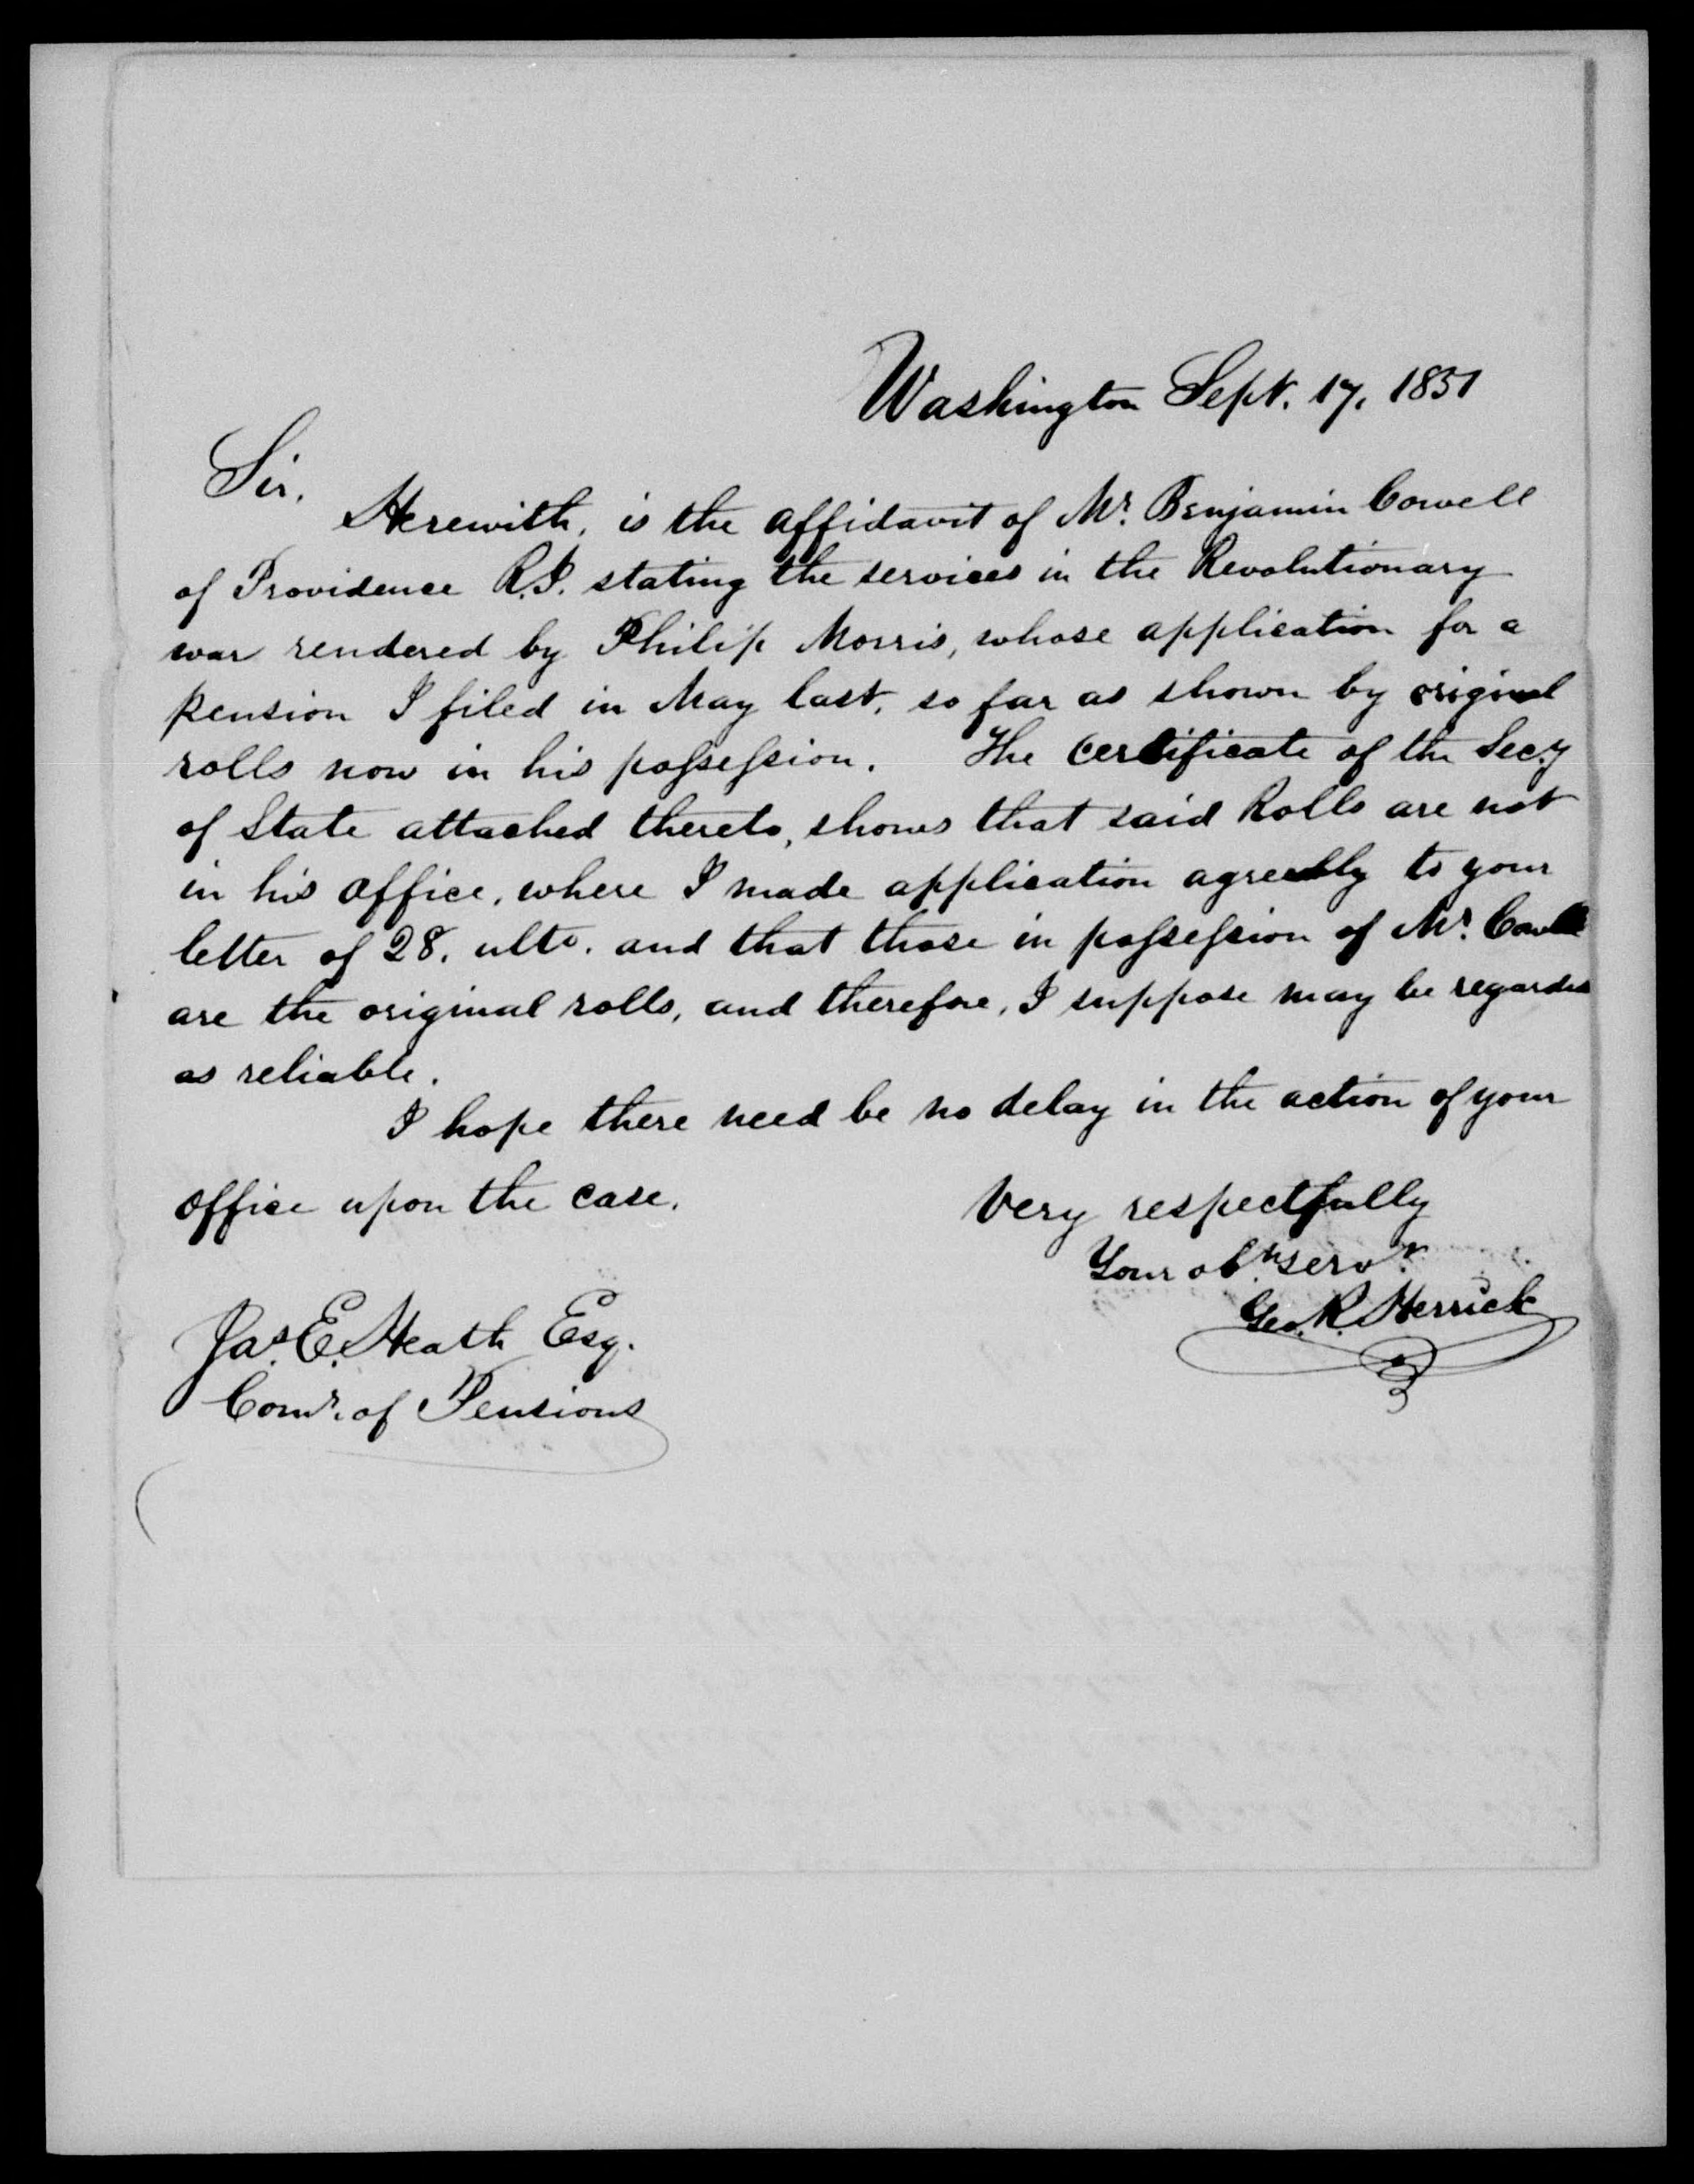Washington Sept. 17, 1837

Sir,
Herewith is the affidavit of Mr. Benjamin Cowell of Providence R.I. stating the services in the Revolutionary War rendered by Philip Morris, whose application for a pension I filed in May last, so fare as shown by original rolls now in his possession. The certificate of the Secy. of  State attached thereto, shows that said Rolls are not in his office, where I made application agreeably to your letter of 28 ulto. and that those in possession of Mr. Cowell are the original rolls, and therefore, I suppose may be regarded as reliable.

I hope there need be no delay in the action of your office upon the case.

Very respectfully
Your ob. serv.
Geo. R. Herrick

Jas. E. Heath Esq.
Comr. of Pensions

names: Jas E Heath; Philip Morris; Benjamin Cowell; Geo R Herrick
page: 37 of 44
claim: survivor's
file: S. 28,815, for Philip Morris, Rhode Island